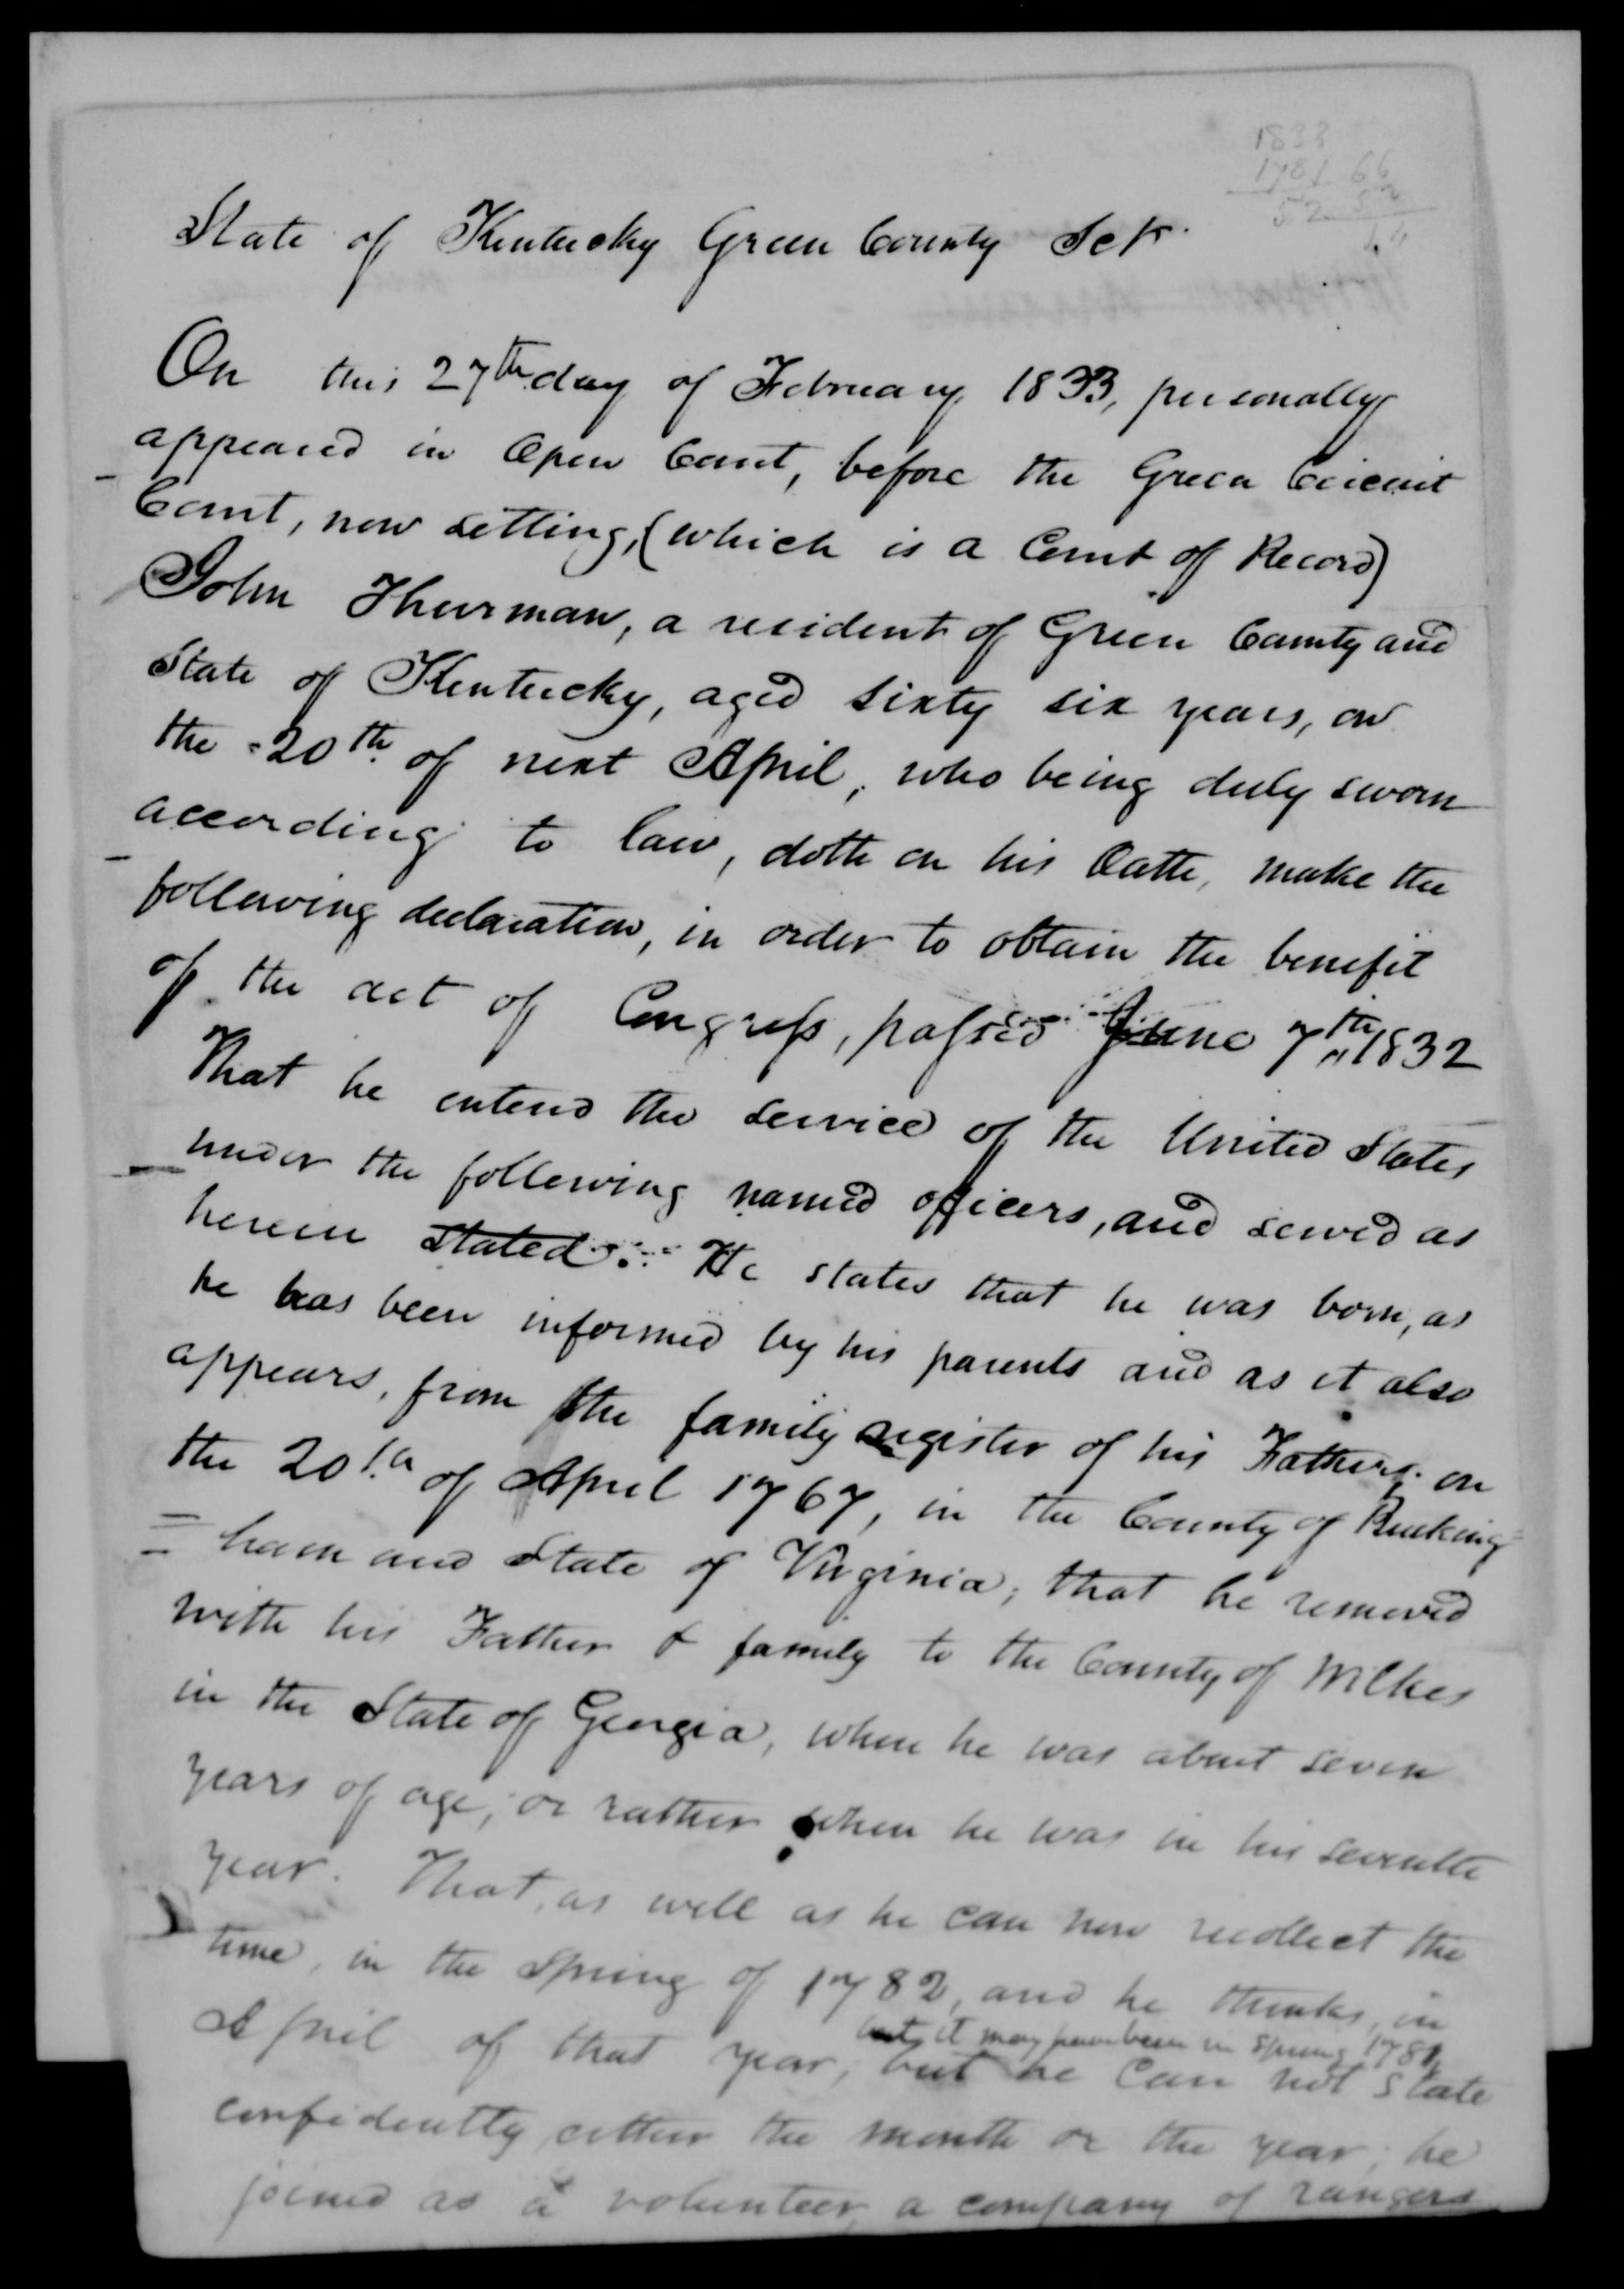State of Kentucky Green County Sct
On this 27th day of February 1833, personally 
appeared in Open Court, before the Green Circuit Court, now sitting, (which is a Court of Record) John Thurman, a resident of Green County and State of Kentucky, aged sixty six years, on the 20th of next April, who being duly sworn according to law, doth on his oath, make the following declaration, in order to obtain the benefit of the act of Congress, passed June 7th 1832 That he entered the service of the United States under the following named officers, and served as herein stated.  He states that he was born, as he has been informed by his parents and as it also appears, from the family register of his Father on the 20th of April  1767, in the County of Buckingham and State of Virginia, that he removed with his Father & family to the County of Wilkes in the State of Georgia, when he was about seven years of age, or rather when he was in his seventh year. That as as well as he can recollect the time, in the Spring of 1782, and he thinks, in April of that year, but it may have been in Spring 1781 but he can not state confidently either the month or the year; he joined as a volunteer, a company of rangers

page: 5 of 53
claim: widow's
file: W. 6,267, for John Thurman, Georgia